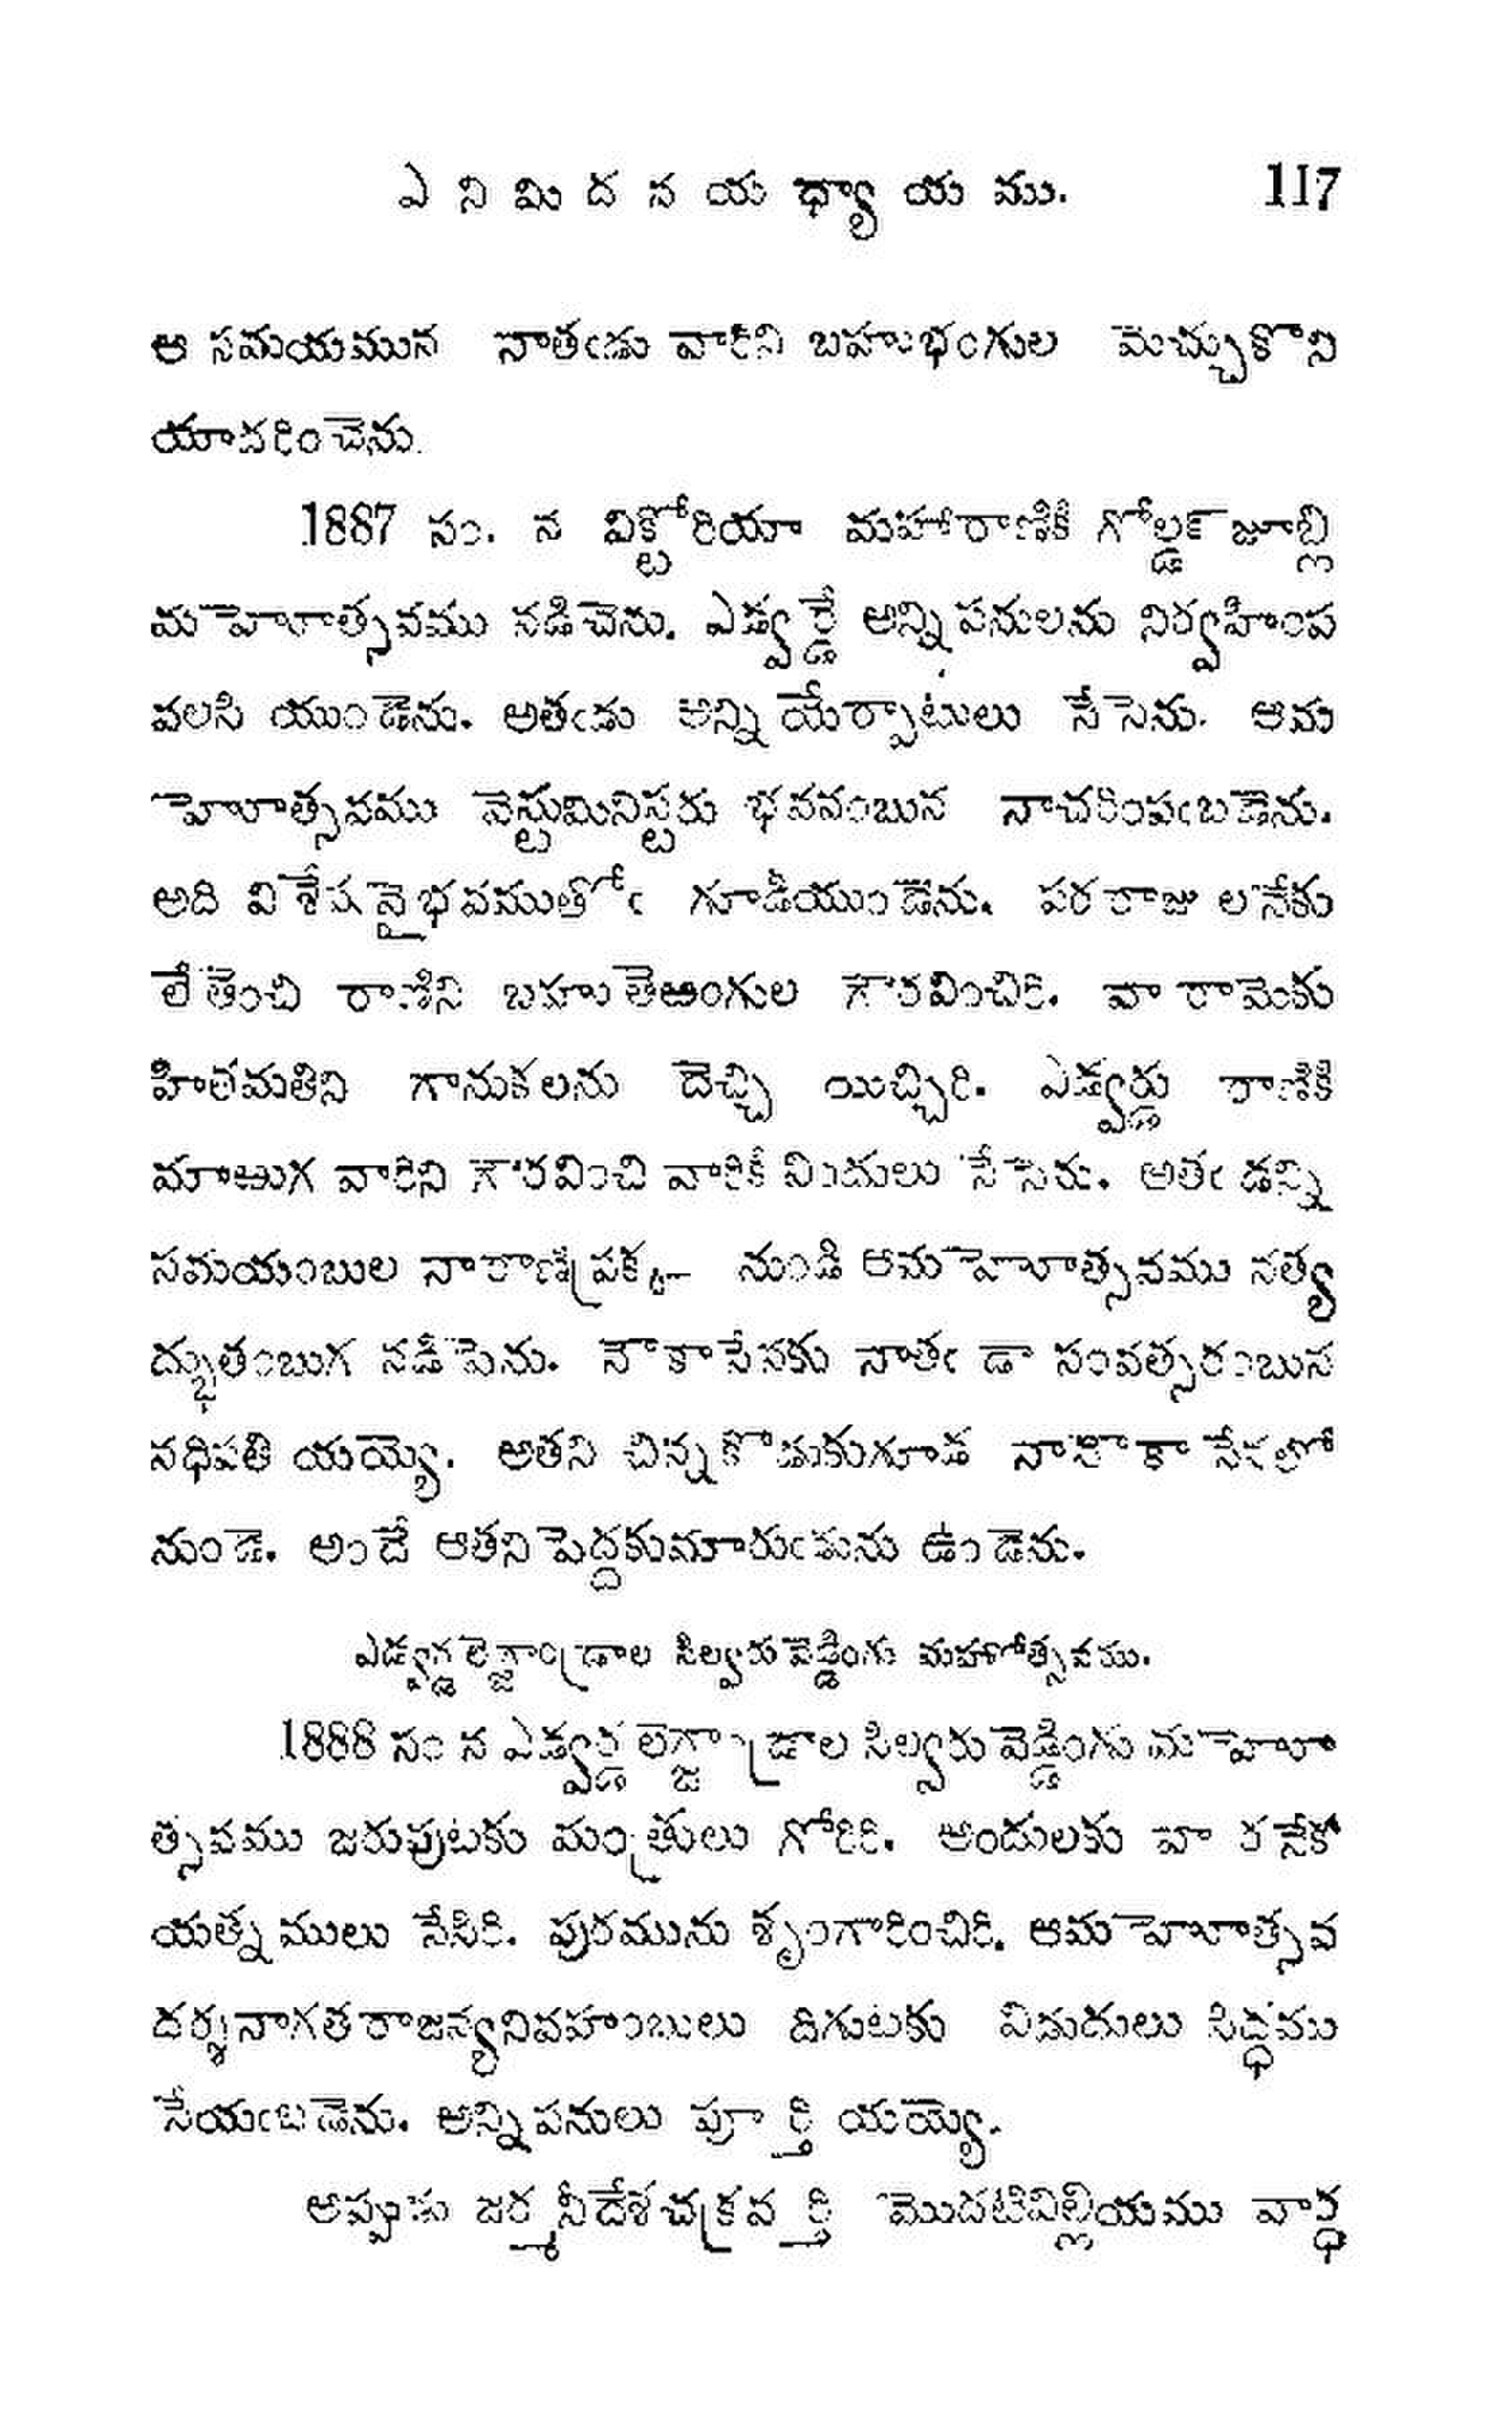ఆ సమయమున నాతఁడు వారిని బహుభంగుల మెచ్చుకొని యాచరించెను.

1887 సం. న విక్టోరియా మహారాణీకి గోల్డెన్ జూబ్లీ మ హోత్సవము నడిచెను. ఎడ్వర్డే అన్ని పనులను నిర్వహింప వలసి యుండెను. అతఁడు అన్ని యేర్పాటులు సేసెను. ఆమ "హోత్సవము వెస్టుమినిస్టరు భవనంబున నాచరింపఁబడెను. అది విశేష వైభవముతోఁ గూడియుండెను. పరరాజు ల నేకు లేతెంచి రాణిని బహు తెఱంగుల గౌరవించి. వారామెకు హితమతిని గానుకలను దెచ్చి యిచ్చిరి. ఎడ్వర్లు రాణికి మారుగ వారిని గౌరవించి వారికి విందులు 'సేసెను. . అతఁ డన్ని సమయంబుల నారాణి ప్రక్క నుండి ఆమహోత్సవము సత్య ద్భుతంబుగ నడిపెను. నౌకాసే నకు నాతం డా సంవత్సర బుస నధిపతి యయ్యె. అతని చిన్న కొడుకుగూడ నౌకాకా సేవలో నుండె. అదే అతని పెద్దకుమారుఁడును ఉండెను. ఎడ్వర్డ లెగ్జాండ్రాల సిల్వకు వెడ్డింగు మహోత్సవము.

ఎడ్వర్డ లెగ్జాడ్రాల శిల్వరు వెడ్డింగు ముహూత్సవము

1888 సం. న. ఎడ్వర్డ లెగ్జాడ్రాల శిల్వరు వెడ్డింగు ముహూ త్సవము జరుపుటకు మంత్రులు గోరిక. అందులకు వారనేక యత్నములు సేసిరి. పురమును శృంగారించిరి. ఆమఘోత్సవ దర్శనాగత రాజన్య నివహుబులు దిగుటకు విడురులు సిద్ధము సేయఁబడెను. అన్ని పనులు పూర్తి యయ్యె.

అప్పుడు జర్మనీ దేశ చక్రవర్తి "మొదటి విల్లియము వార్థ